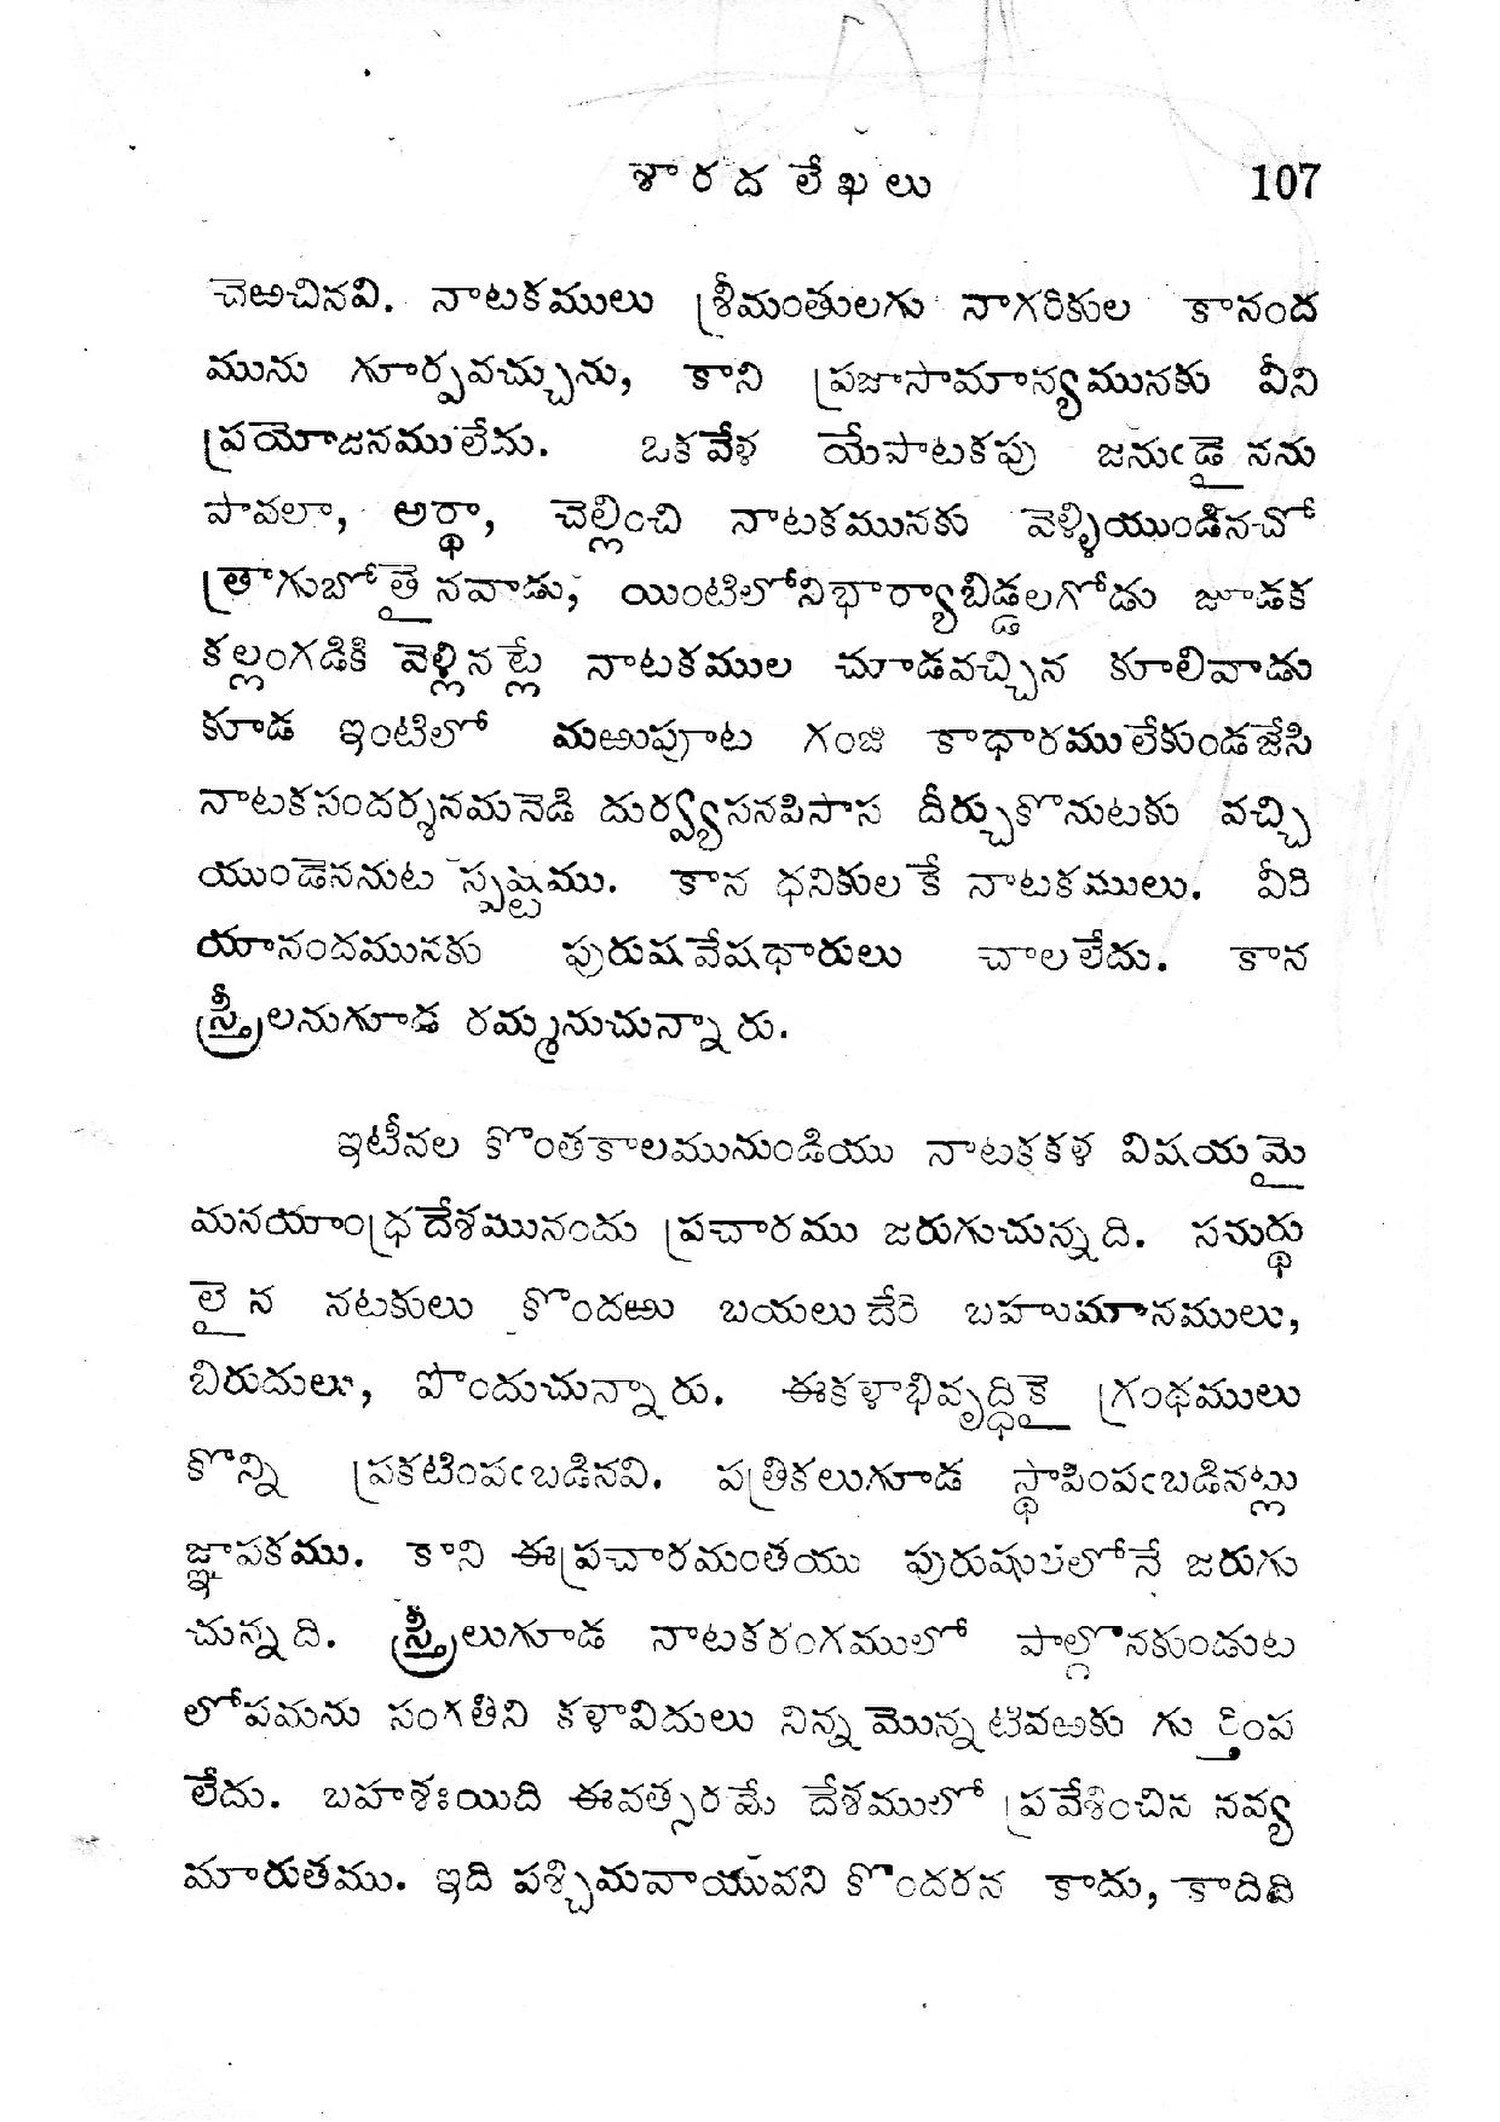చెఱచినవి. నాటకములు శ్రీమంతులగు నాగరికుల కానందమును గూర్పవచ్చును, కాని ప్రజాసామాన్యమునకు వీని ప్రయోజనములేదు. ఒకవేళ యేపాటకపు జనుఁడైనను పావలా, అర్థా, చెల్లించి నాటకమునకు వెళ్ళి యుండినచో త్రాగుబోతైనవాడు; యింటిలోనిభార్యాబిడ్డలగోడు జూడక కల్లంగడికి వెళ్లినట్లే నాటకముల చూడవచ్చిన కూలివాడు కూడ ఇంటిలో మఱుపూట గంజి కాధారములేకుండజేసి
నాటకసందర్శనమనెడి దుర్వ్యసనపిసాస దీర్చుకొనుటకు వచ్చి యుండెననుట స్పష్టము. కాన ధనికులకే నాటకములు. వీరి యానందమునకు పురుషవేషధారులు చాలలేదు. కాన స్త్రీలనుగూడ రమ్మనుచున్నారు.

ఇటీవల కొంతకాలమునుండియు నాటకకళ విషయమై మనయాంధ్రదేశమునందు ప్రచారము జరుగుచున్నది. సమర్థులైన నటకులు కొందఱు బయలుదేరి బహుమానములు, బిరుదులు, పొందుచున్నారు. ఈకళాభివృద్ధికై గ్రంథములు కొన్ని ప్రకటింపఁబడినవి. పత్రికలుగూడ స్థాపింపఁబడినట్లు జ్ఞాపకము. కాని ఈప్రచారమంతయు పురుషులలోనే జరుగుచున్నది. స్త్రీలుగూడ నాటకరంగములో పాల్గొనకుండుట
లోపమను సంగతిని కళావిదులు నిన్నమొన్నటివఱకు గుర్తింప లేదు. బహశఃయిది ఈవత్సరమే దేశములో ప్రవేశించిన నవ్య మారుతము. ఇది పశ్చిమవాయువని కొందరన కాదు, కాదిది